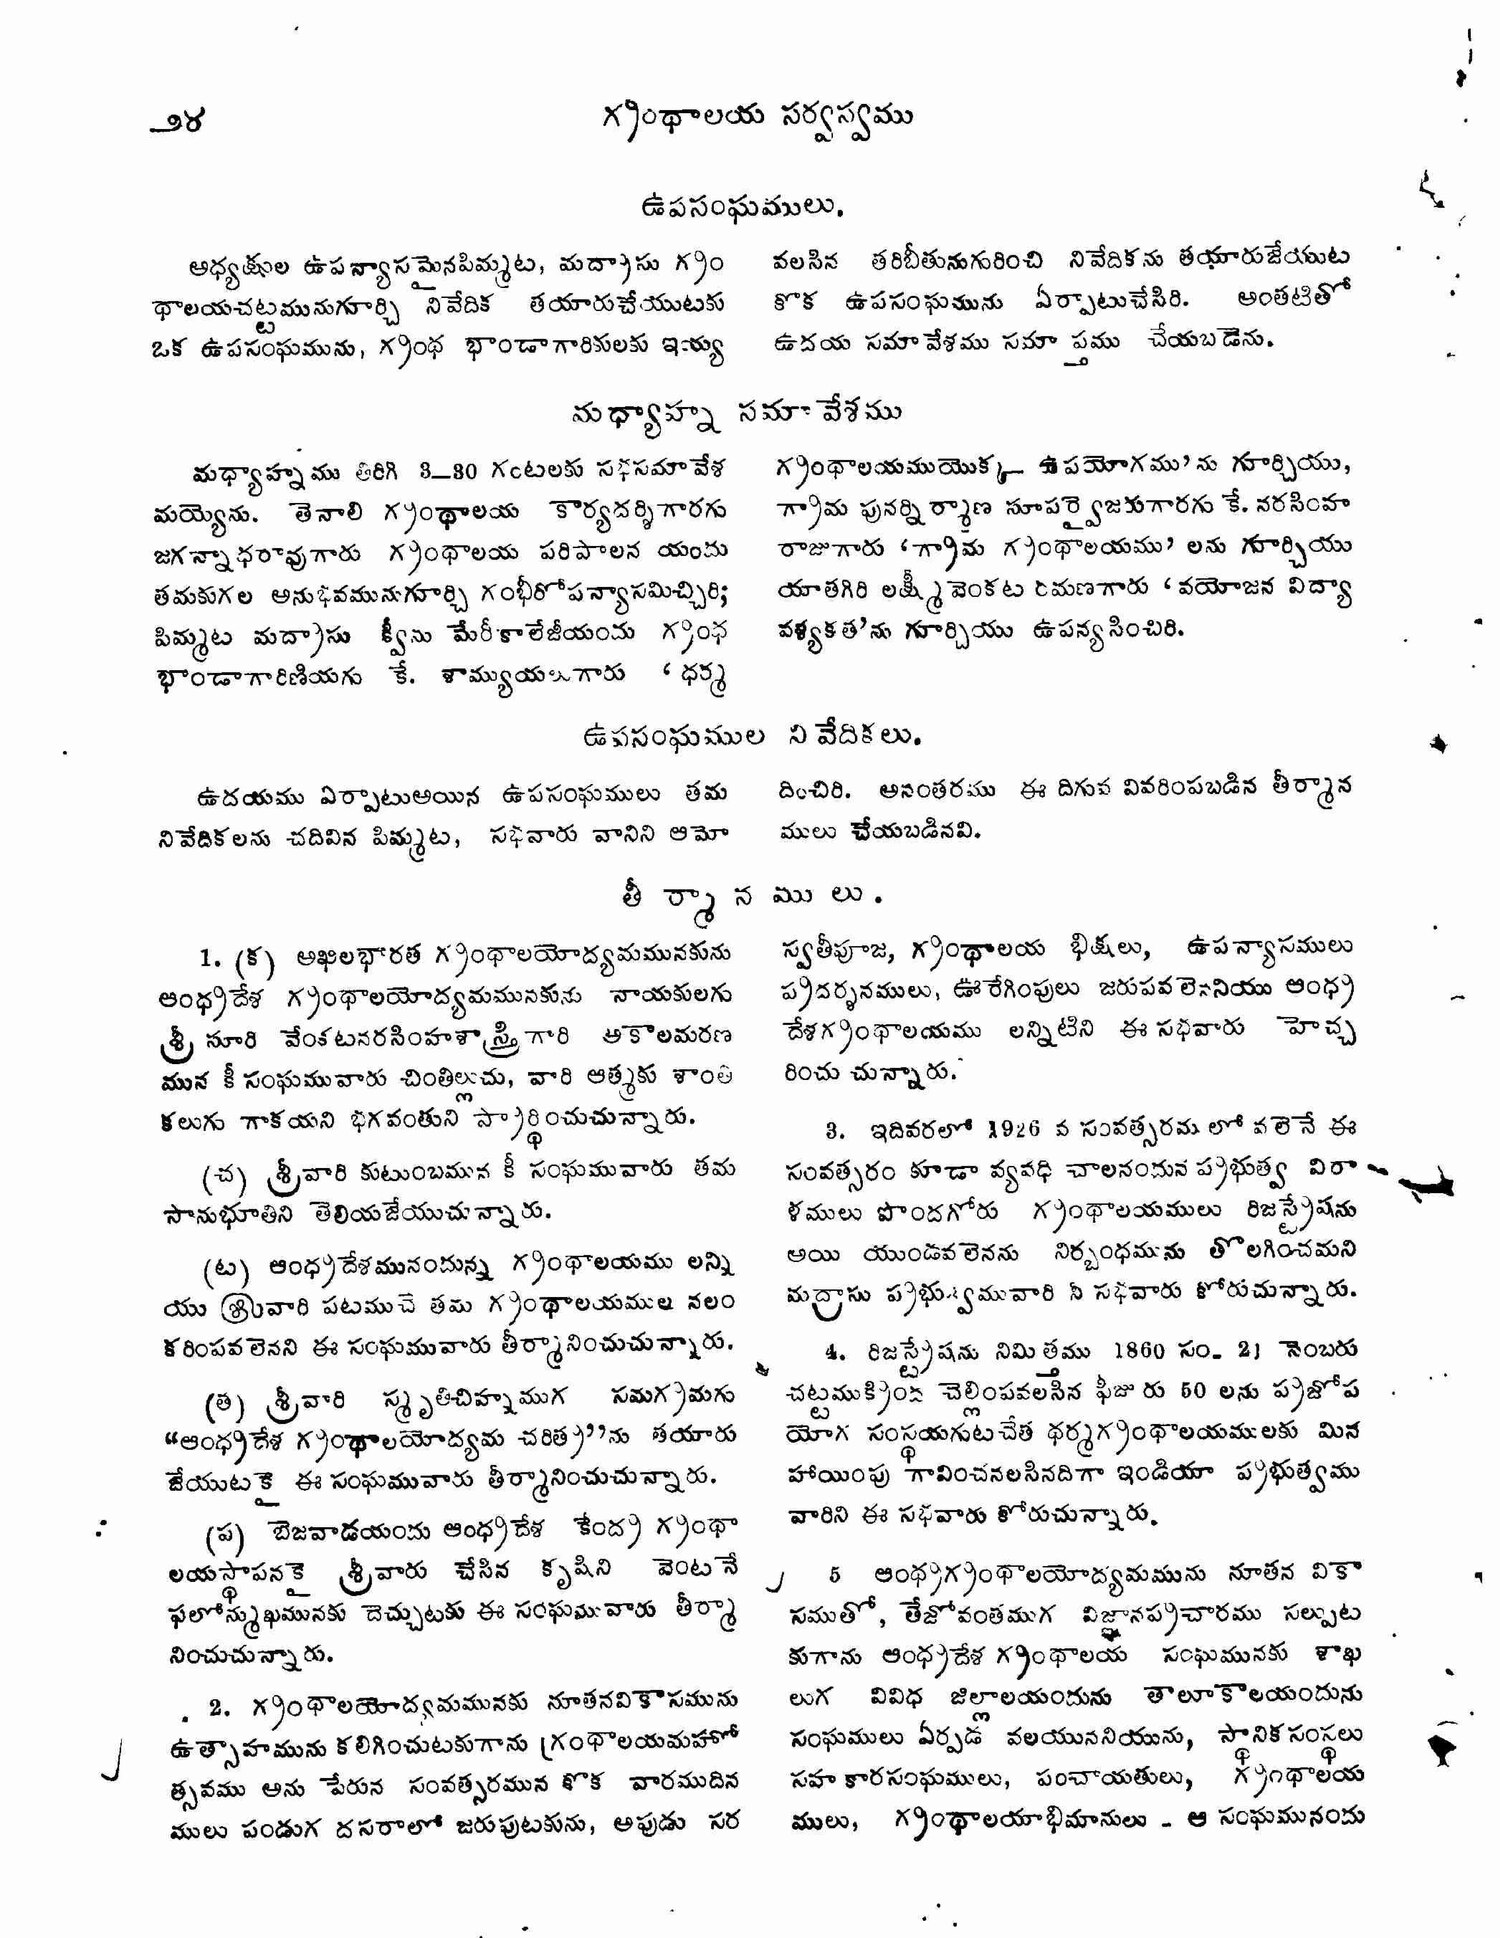అధ్యక్షుల ఉపన్యాసమైనపిమ్మట, మద్రాసు గంథాలయచట్టమును గూర్చి నివేదిక తయారుచేయుటకు ఒక ఉపసంఘమును, గ్రంథ భాండాగారికులకు ఇవ్వ వలసిన తరిబీతునుగురించి నివేదికను తయారుజేయుట కొక ఉపసంఘమును ఏర్పాటు చేసిరి. 
ఉదయ సమావేశము సమాప్తము చేయబడెను.

మధ్యాహ్నము తిరిగి 3-30 గంటలకు సభ సమావేశమయ్యెను. తెనాలి గ్రంథాలయ కార్యదర్శిగారగు జగన్నాధరావు గారు గ్రంథాలయ పరిపాలన యందు తమకుగల అనుభవమునుగూర్చి గంభీరోపన్యాసమిచ్చిరి; పిమ్మట మద్రాసు క్వీను మేరీ కాలేజీయందు గ్రంధ
భాండాగారిణియగు కే. శామ్యుయలు గారు 'ధర్మగ్రంథాలయము యొక్క ఉపయోగము' ను గూర్చియు, గ్రామ పునర్నిర్మాణ సూపర్వైజరు గారు కే. నరసింహరాజుగారు 'గ్రామ గ్రంథాలయము' లను గూర్చియు, యాతగిరి లక్ష్మీవెంకట రమణ గారు 'వయోజన విద్యా
వశ్యకత'ను గూర్చియు ఉపన్యసించిరి.

ఉదయము ఏర్పాటు అయిన ఉప సంఘములు తమ నివేదికలను చదివిన పిమ్మట, సభవారు వానిని ఆమోదించిరి. అనంతరము ఈ దిగువ వివరింపబడిన తీర్మానములు చేయబడినవి. 

 
1. (క) అఖిలభారత గ్రంథాలయోద్యమమునకును, ఆంధ్రదేశ గ్రంథాలయోద్యమమునకును నాయకులగు శ్రీ సూరి వేంకట
నరసింహశాస్త్రి గారి అకాలమరణమున కీ సంఘమువారు చింతిల్లుచు, వారి ఆత్మకు శాంతి కలుగు గాకయని భగవంతుని సార్ధించుచున్నారు.

(చ) శ్రీవారి కుటుంబమున కీ సంఘము వారు తమ సానుభూతిని తెలియజేయుచున్నారు.

(ట) ఆంధ్ర దేశమునందున్న గ్రంథాలయము లన్నియు శ్రీవారి పటముచే తమ గ్రంథాలయముల నలంకరింపవలెనని ఈ సంఘమువారు తీర్మానించుచున్నారు.

(త) శ్రీవారి స్మృతిచిహ్నముగ సమగమగు “ఆంధ్ర దేశ గ్రంథాలయోద్యమ చరిత్ర" ను తయారు జేయుటకై ఈ సంఘమువారు తీర్మానించుచున్నారు.

(ప) బెజవాడయందు ఆంధ్ర దేశ కేంద్ర గ్రంథాలయ స్థాపనకై శ్రీవారు చేసిన కృషిని వెంటనే ఫలోన్ముఖమునకు దెచ్చుటకు ఈ సంఘము వారు తీర్మానించుచున్నారు.

2. గ్రంథాలయోద్యమమునకు నూతన వికాసమును, ఉత్సాహమును కలిగించుటకుగాను గ్రంథాలయమహోత్సవము అను పేరున సంవత్సరమున కొక వారము దినములు పండుగ దసరాలో జరుపుటకును, అపుడు సరస్వతీపూజ, గ్రంథాలయ భిక్షలు, 
ఉపన్యాసములు, ప్రదర్శనములు, ఊరేగింపులు జరుపవలెననియు ఆంధ్రదేశ గ్రంథాలయము లన్నిటిని ఈ సభవారు హెచ్చరించు చున్నారు. 

3. ఇదివరలో 1926 వ సంవత్సరము లో వలెనే ఈ సంవత్సరం కూడా వ్యవధి చాలనందున ప్రభుత్వ విరాళములు పొందగోరు గ్రంథాలయములు రిజస్ట్రేషను అయి యుండవలెనని నిర్బంధమును తొలగించమని మద్రాసు ప్రభుత్యమువారి నీ సభవారు కోరుచున్నారు.

4. రిజస్ట్రేషను నిమిత్తము 1860 సం 21 నెంబరు చట్టము క్రింది చెల్లింపవలసిన ఫీజు రు 50 లను ప్రజోపయోగ సంస్థయగుటచేత ధర్మగ్రంథాలయములకు మినహాయింపు గావించవలసినదిగా ఇండియా ప్రభుత్వము వారిని ఈ సభవారు కోరుచున్నారు.

5 ఆంధ్రగ్రంథాలయోద్యమమును నూతన వికాసముతో, తేజోవంతముగ విజ్ఞాన ప్రచారము సల్పుటకుగాను ఆంధ్రదేశ గ్రంథాలయ సంఘమునకు శాఖలుగ వివిధ జిల్లాలయందును, తాలూకాలయందును సంఘములు ఏర్పడ వలయుననియును, స్థానిక సంస్థలు
సహకార సంఘములు, పంచాయతులు, గ్రంథాలయములు, గ్రంథాలయాభిమానులు ఆ సంఘమునందు